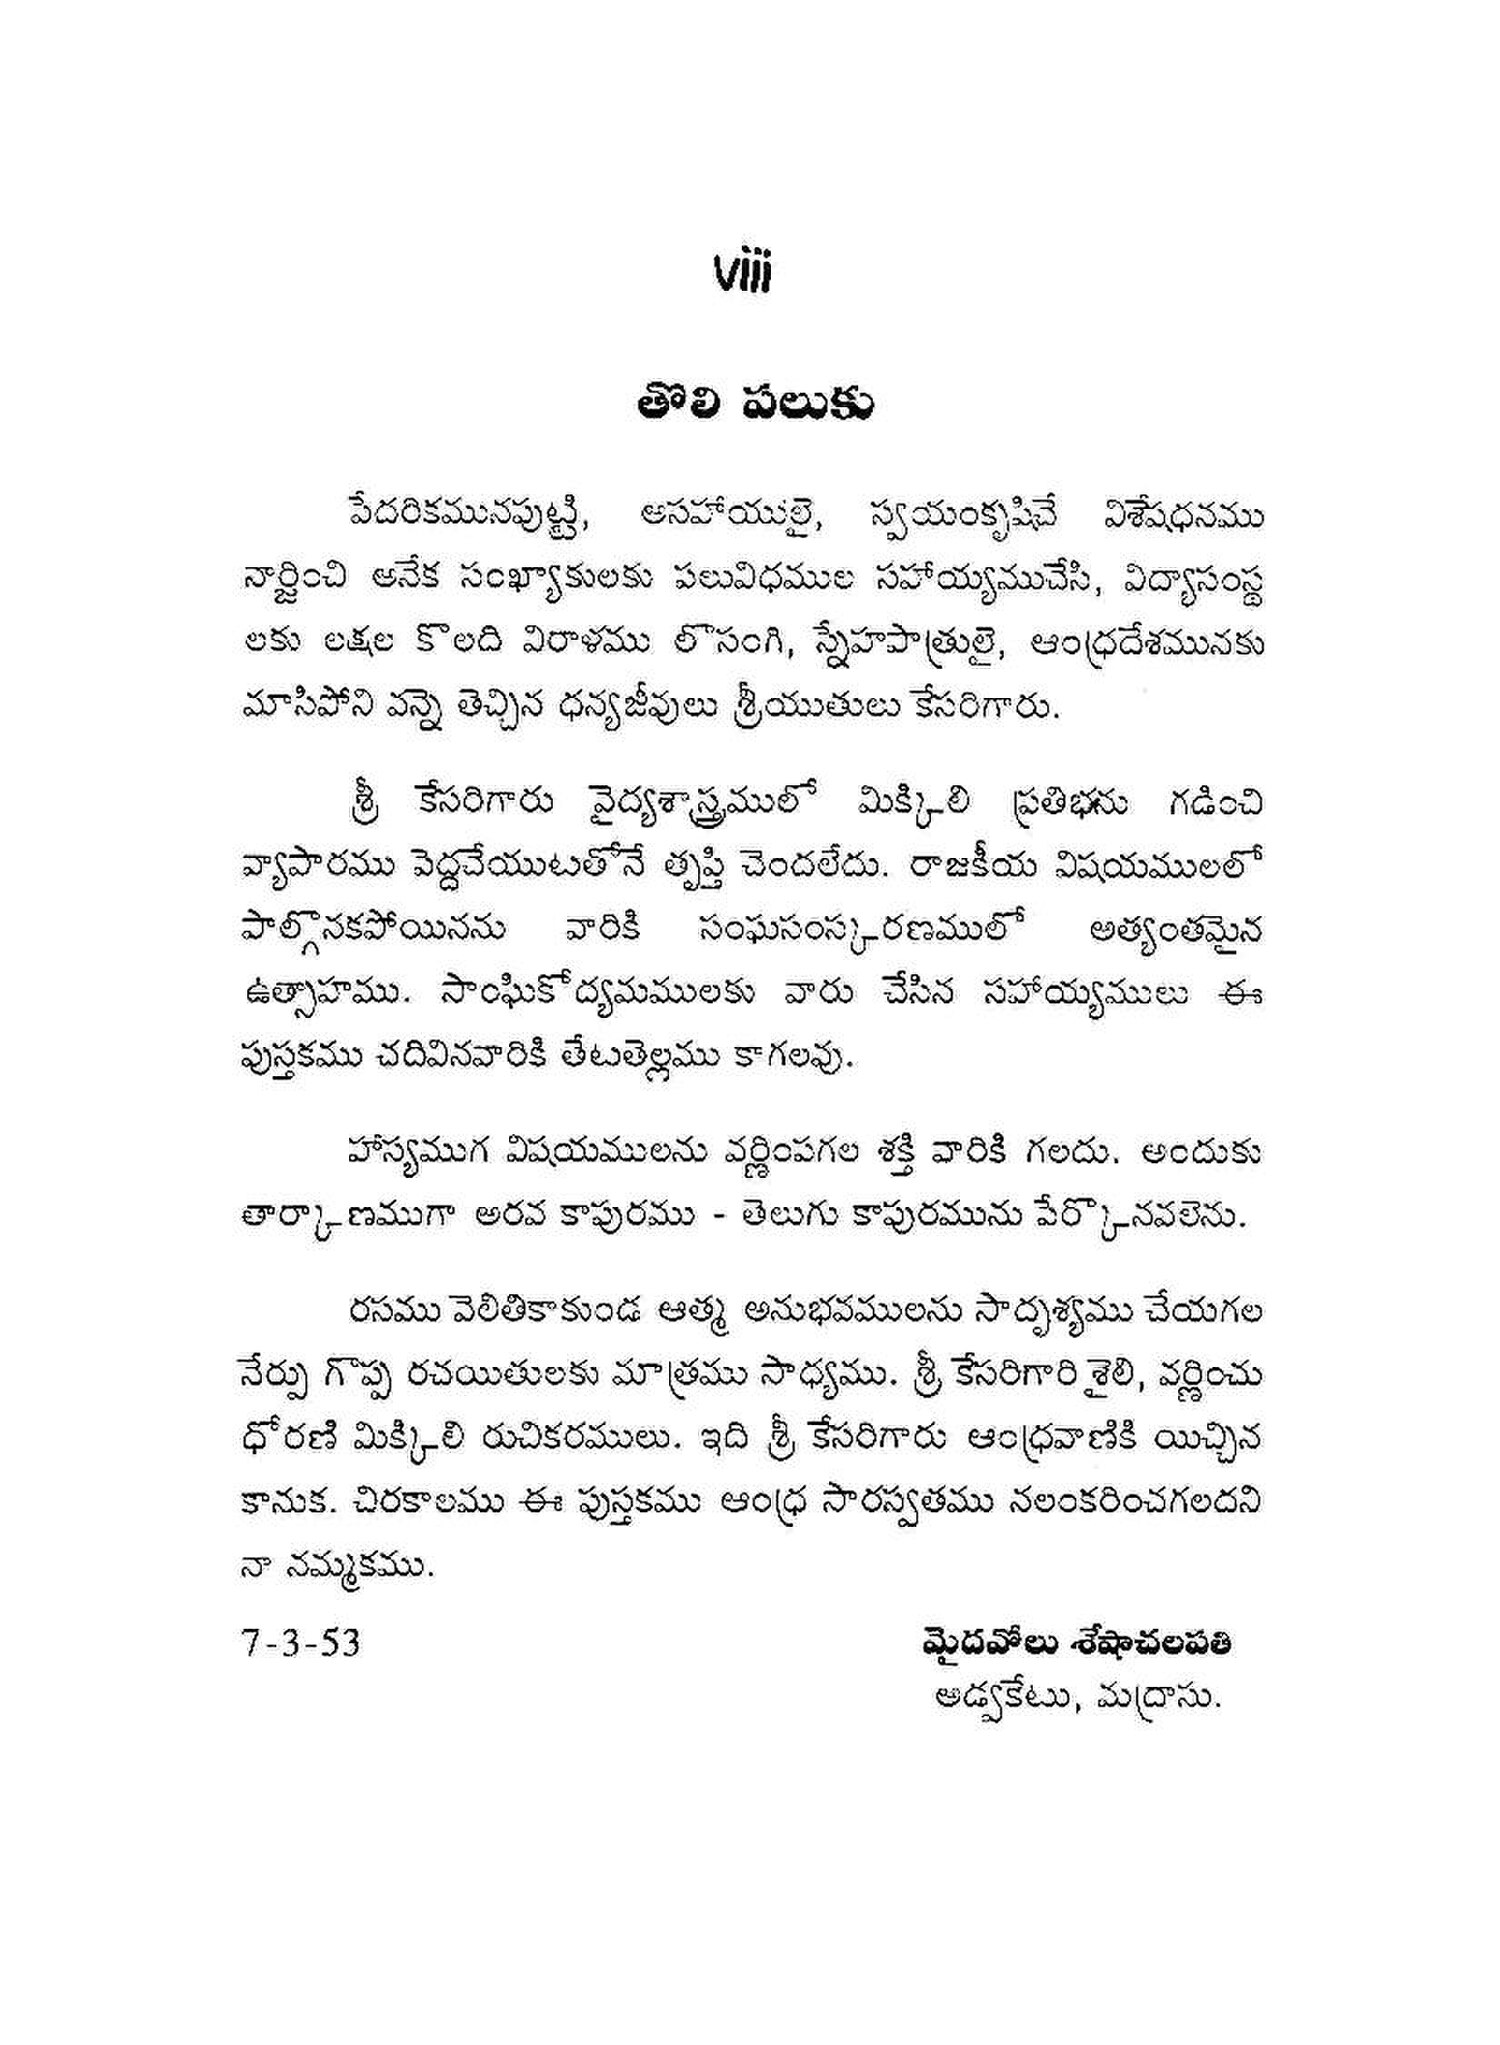పేదరికమునపుట్టి, అసహాయులై, స్వయంకృషిచే విశేషధనము నార్జించి అనేక సంఖ్యాకులకు పలువిధముల సహాయ్యముచేసి, విద్యాసంస్థలకు లక్షల కొలది విరాళము లొసంగి, స్నేహపాత్రులై, ఆంధ్రదేశమునకు మాసిపోని వన్నె తెచ్చిన ధన్యజీవులు శ్రీయుతులు కేసరిగారు.

శ్రీ కేసరిగారు వైద్యశాస్త్రములో మిక్కిలి ప్రతిభను గడించి వ్యాపారము పెద్దచేయుటతోనే తృప్తి చెందలేదు. రాజకీయ విషయములలో పాల్గొనకపోయినను వారికి సంఘసంస్కరణములో అత్యంతమైన ఉత్సాహము. సాంఘికోద్యమములకు వారు చేసిన సహాయ్యములు ఈ పుస్తకము చదివినవారికి తేటతెల్లము కాగలవు.

హాస్యముగ విషయములను వర్ణింపగల శక్తి వారికి గలదు. అందుకు తార్కాణముగా అరవ కాపురము - తెలుగు కాపురమును పేర్కొనవలెను.

రసము వెలితికాకుండ ఆత్మ అనుభవములను సాదృశ్యము చేయగల నేర్పు గొప్ప రచయితులకు మాత్రము సాధ్యము. శ్రీ కేసరిగారి శైలి, వర్ణించు ధోరణి మిక్కిలి రుచికరములు. ఇది శ్రీ కేసరిగారు ఆంధ్రవాణికి యిచ్చిన కానుక. చిరకాలము ఈ పుస్తకము ఆంధ్ర సారస్వతము నలంకరించగలదని నా నమ్మకము.

7-3-53